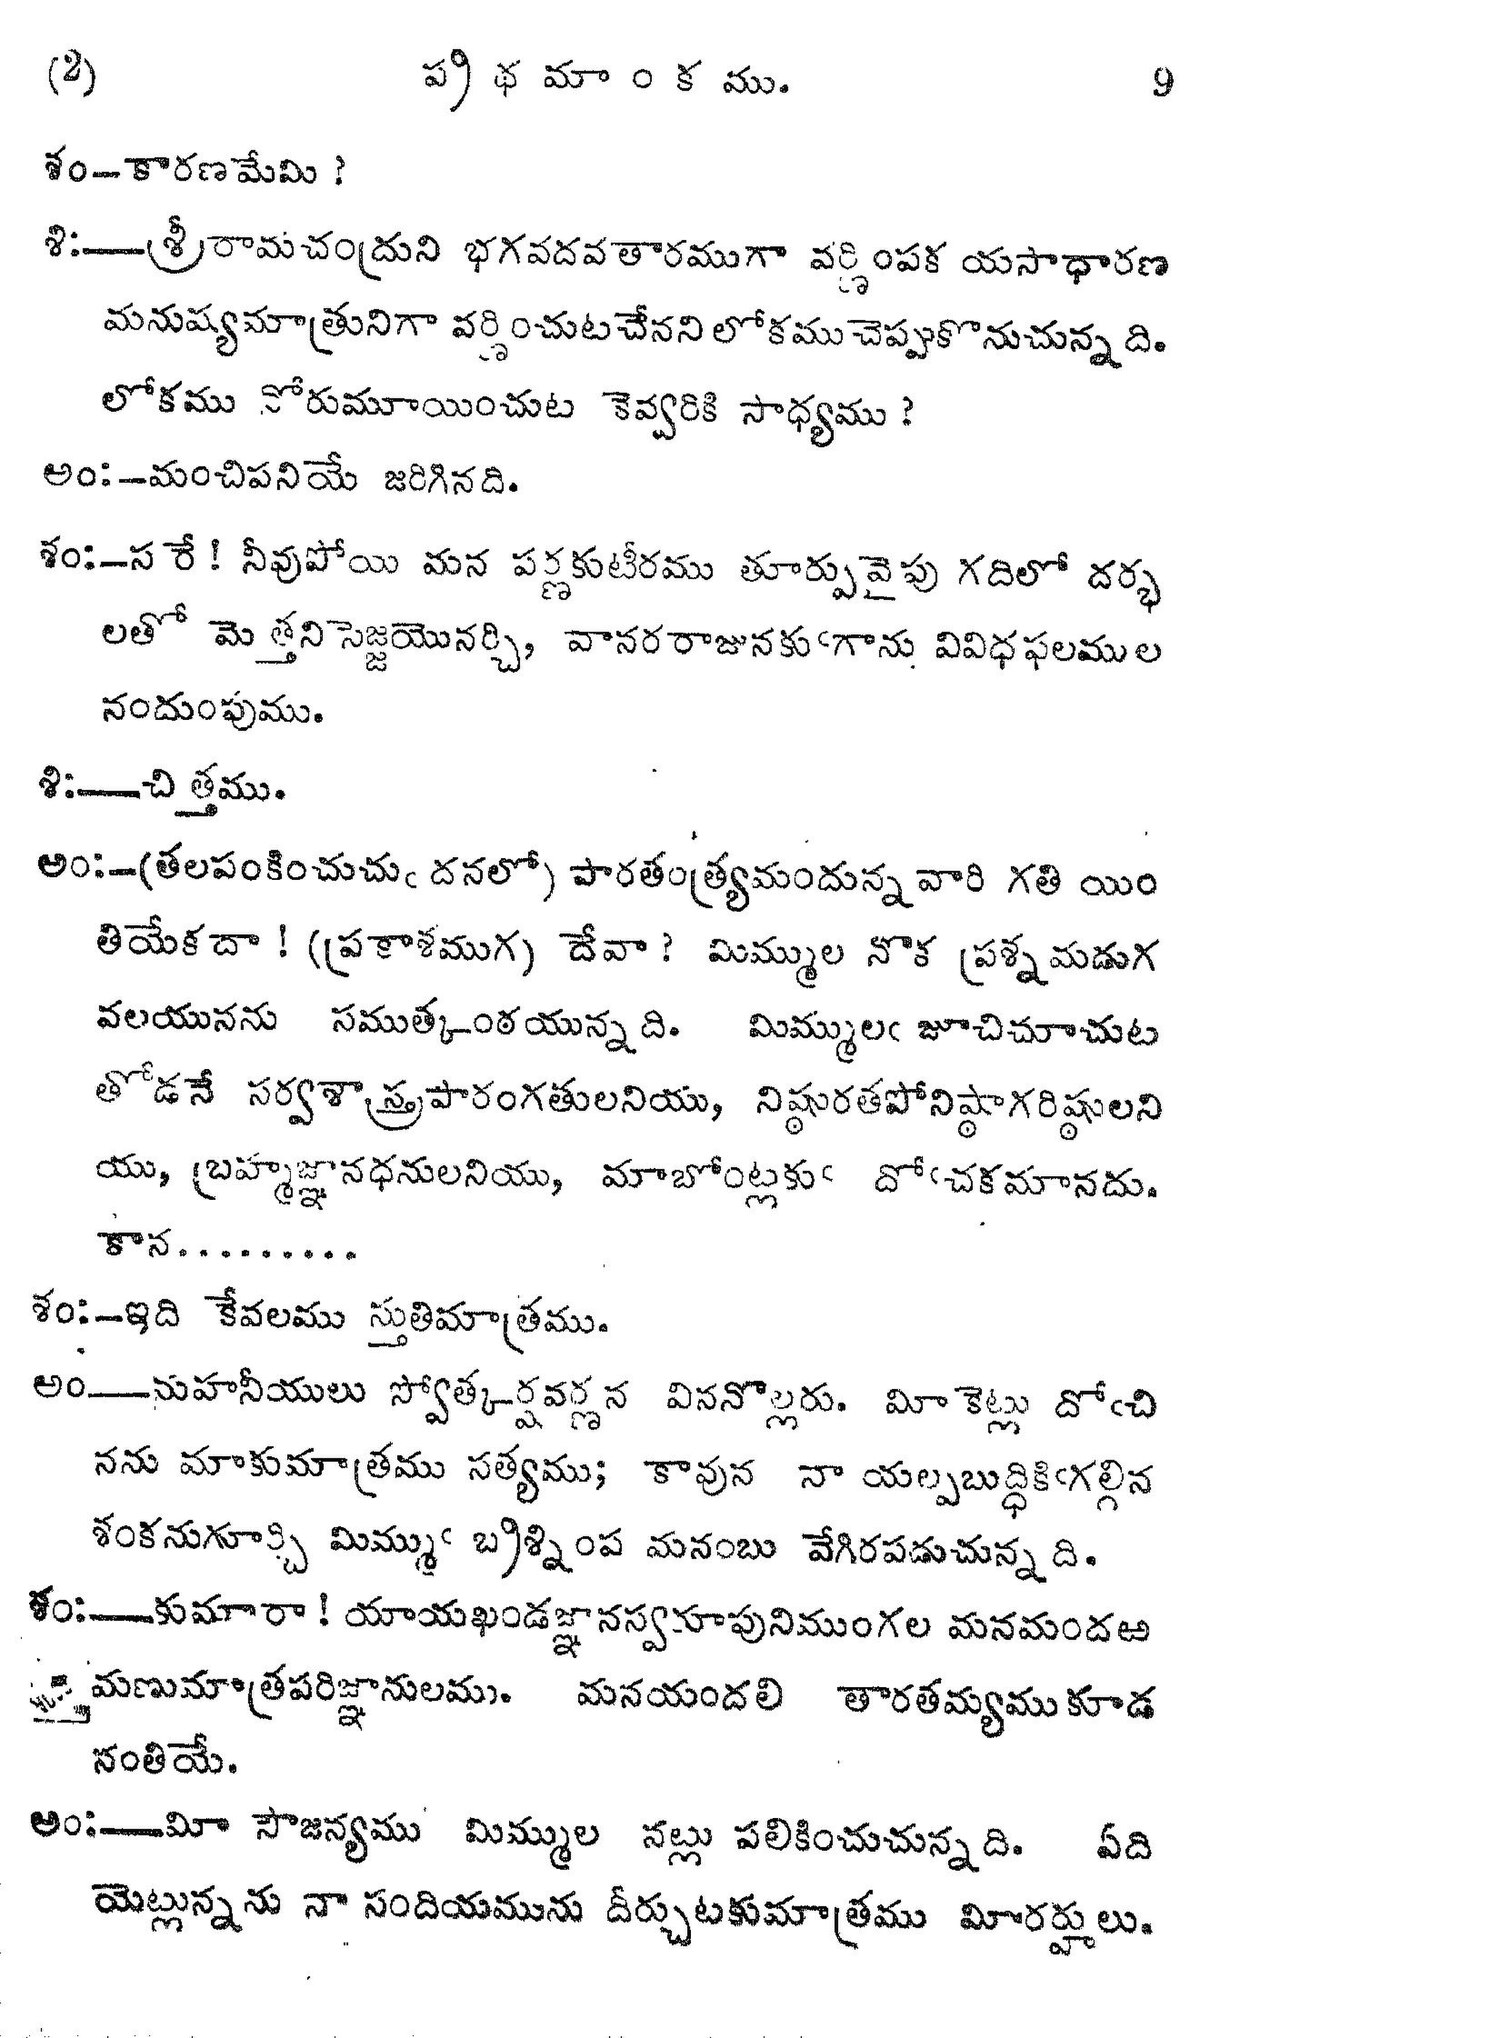శం: కారణమేమి?

శి:: శ్రీ రామచంద్రుని భగవదవ తారముగా వర్ణింపక యసాధారణ
 మనుష్య మాత్రునిగా వర్తించుట చేనని లోకము చెప్పుకొనుచున్న ది.
 లోకము నోరుమూయించుట కెవ్వరికి సాధ్యము ?

అం:-మంచిపనియే జరిగినది.

శం:- సరే ! నీవుపోయి మన పథకుటీరము తూర్పు వైపు గదిలో దర్భ
 లతో మెత్తని సెజ్జయొనర్చి, వానర రాజునకు గాను వివిధ ఫలముల
 నందుంపుము.

శి:- చిత్తము.

అం:-(తలపంకించుచుఁ దనలో) పారతంత్ర్యమందున్న వారి గతి యిం
 తియేకదా ! (ప్రకాశముగ) దేవా ! మిమ్ముల నొక ప్రశ్న మడుగ
 వలయునను సముత్కంఠయున్నది.మిమ్ములఁ జూచిచూచుట
 తోడనే సర్వశాస్త్ర పారంగతులనియు, నిష్ఠురతపోనిష్ఠాగరిష్ఠులని
 యు, బ్రహ్మజ్ఞానధనులనియు, మాబోంట్లకు దోచకమానదు.
 కాన.....

శం: ఇది కేవలము స్తుతిమాత్రము.

అం—మహనీయులు స్వోత్కర్షవర్ణన విననొల్లరు. మీ కెట్లు దోఁచి
 నను మాకుమాత్రము సత్యము; కావున నాయల్పబుద్ధికి గల్గిన
 శంకనుగూర్చి మిమ్ము ప్రశ్నింప మనంబు వేగిరపడుచున్నది.

శం:—కుమారా ! యాయఖండ జ్ఞానస్వరూపునిముంగల మనమంద
 ఆ మణుమాత్ర పరిజ్ఞానులము. మనయందలి తారతమ్యము కూడ
 సంతియే.

అం:-మీ సౌజన్యము మీమ్ముల నట్లు పలికించు చున్నది.
 యెట్లున్నను నా సందియమును దీర్చుటకు మాత్రము మీరర్హులు.
 ఏది